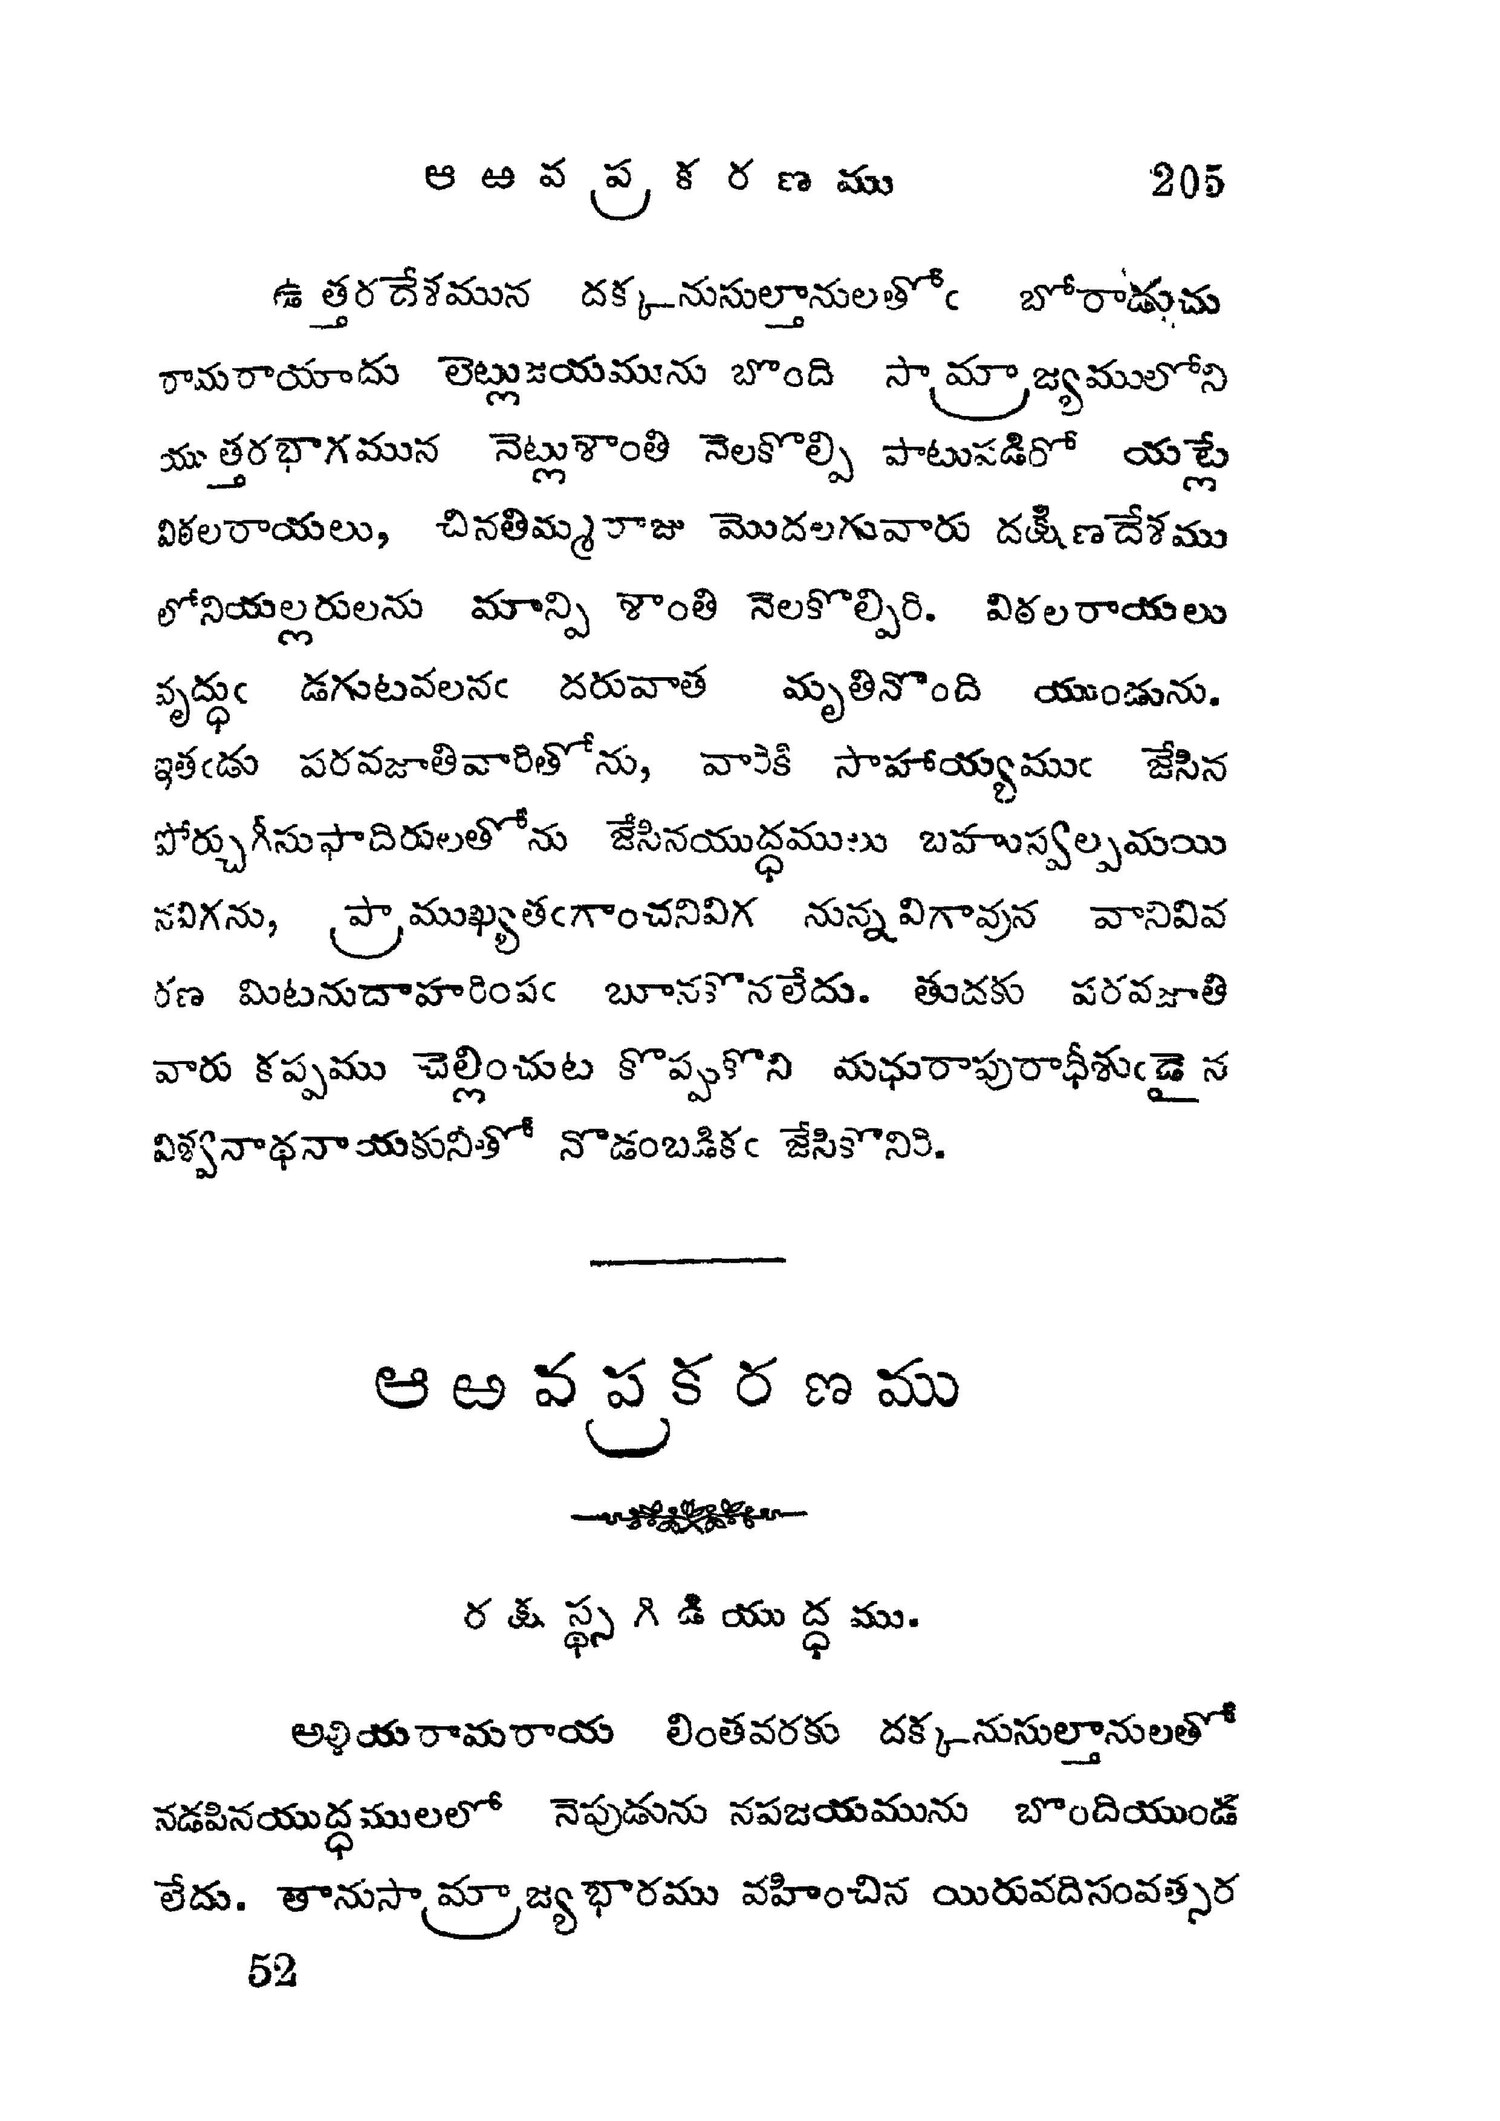ఉత్తరదేశమున దక్కనుసుల్తానులతో బోరాడుచు రామరాయాదు లెట్లుజయమును బొంది సామ్రాజ్యములోని యుత్తరభాగమున నెట్లుశాంతి నెలకొల్పి పాటుపడిరో యట్లే విఠలరాయలు, చినతిమ్మరాజు మొదలగువారు దక్షిణదేశములోని యల్లరులను మాన్పి శాంతి నెలకొల్పిరి. విఠలరాయలు వృద్ధు డగుటవలన దరువాత మృతినొంది యుండును. ఇతడు పరవజాతివారితోను, వారికి సాహాయ్యము జేసిన పోర్చుగీసుఫాదిరులతోను జేసినయుద్ధములు బహుస్వల్పమయినవిగను, ప్రాముఖ్యతగాంచనివిగ నున్నవిగావున వానివివరణ మిటనుదాహరింప బూనకొనలేదు. తుదకు పరవజాతివారు కప్పము చెల్లించుట కొప్పుకొని మధురాపురాధీశుడైన విశ్వనాథనాయకునితో నొడంబడిక జేసికొనిరి.

అళియరామరాయ లింతవరకు దక్కనుసుల్తానులతో నడపినయుద్ధములలో నెపుడును నపజయమును బొందియుండ లేదు. తానుసామ్రాజ్యభారము వహించిన యిరువదిసంవత్సర